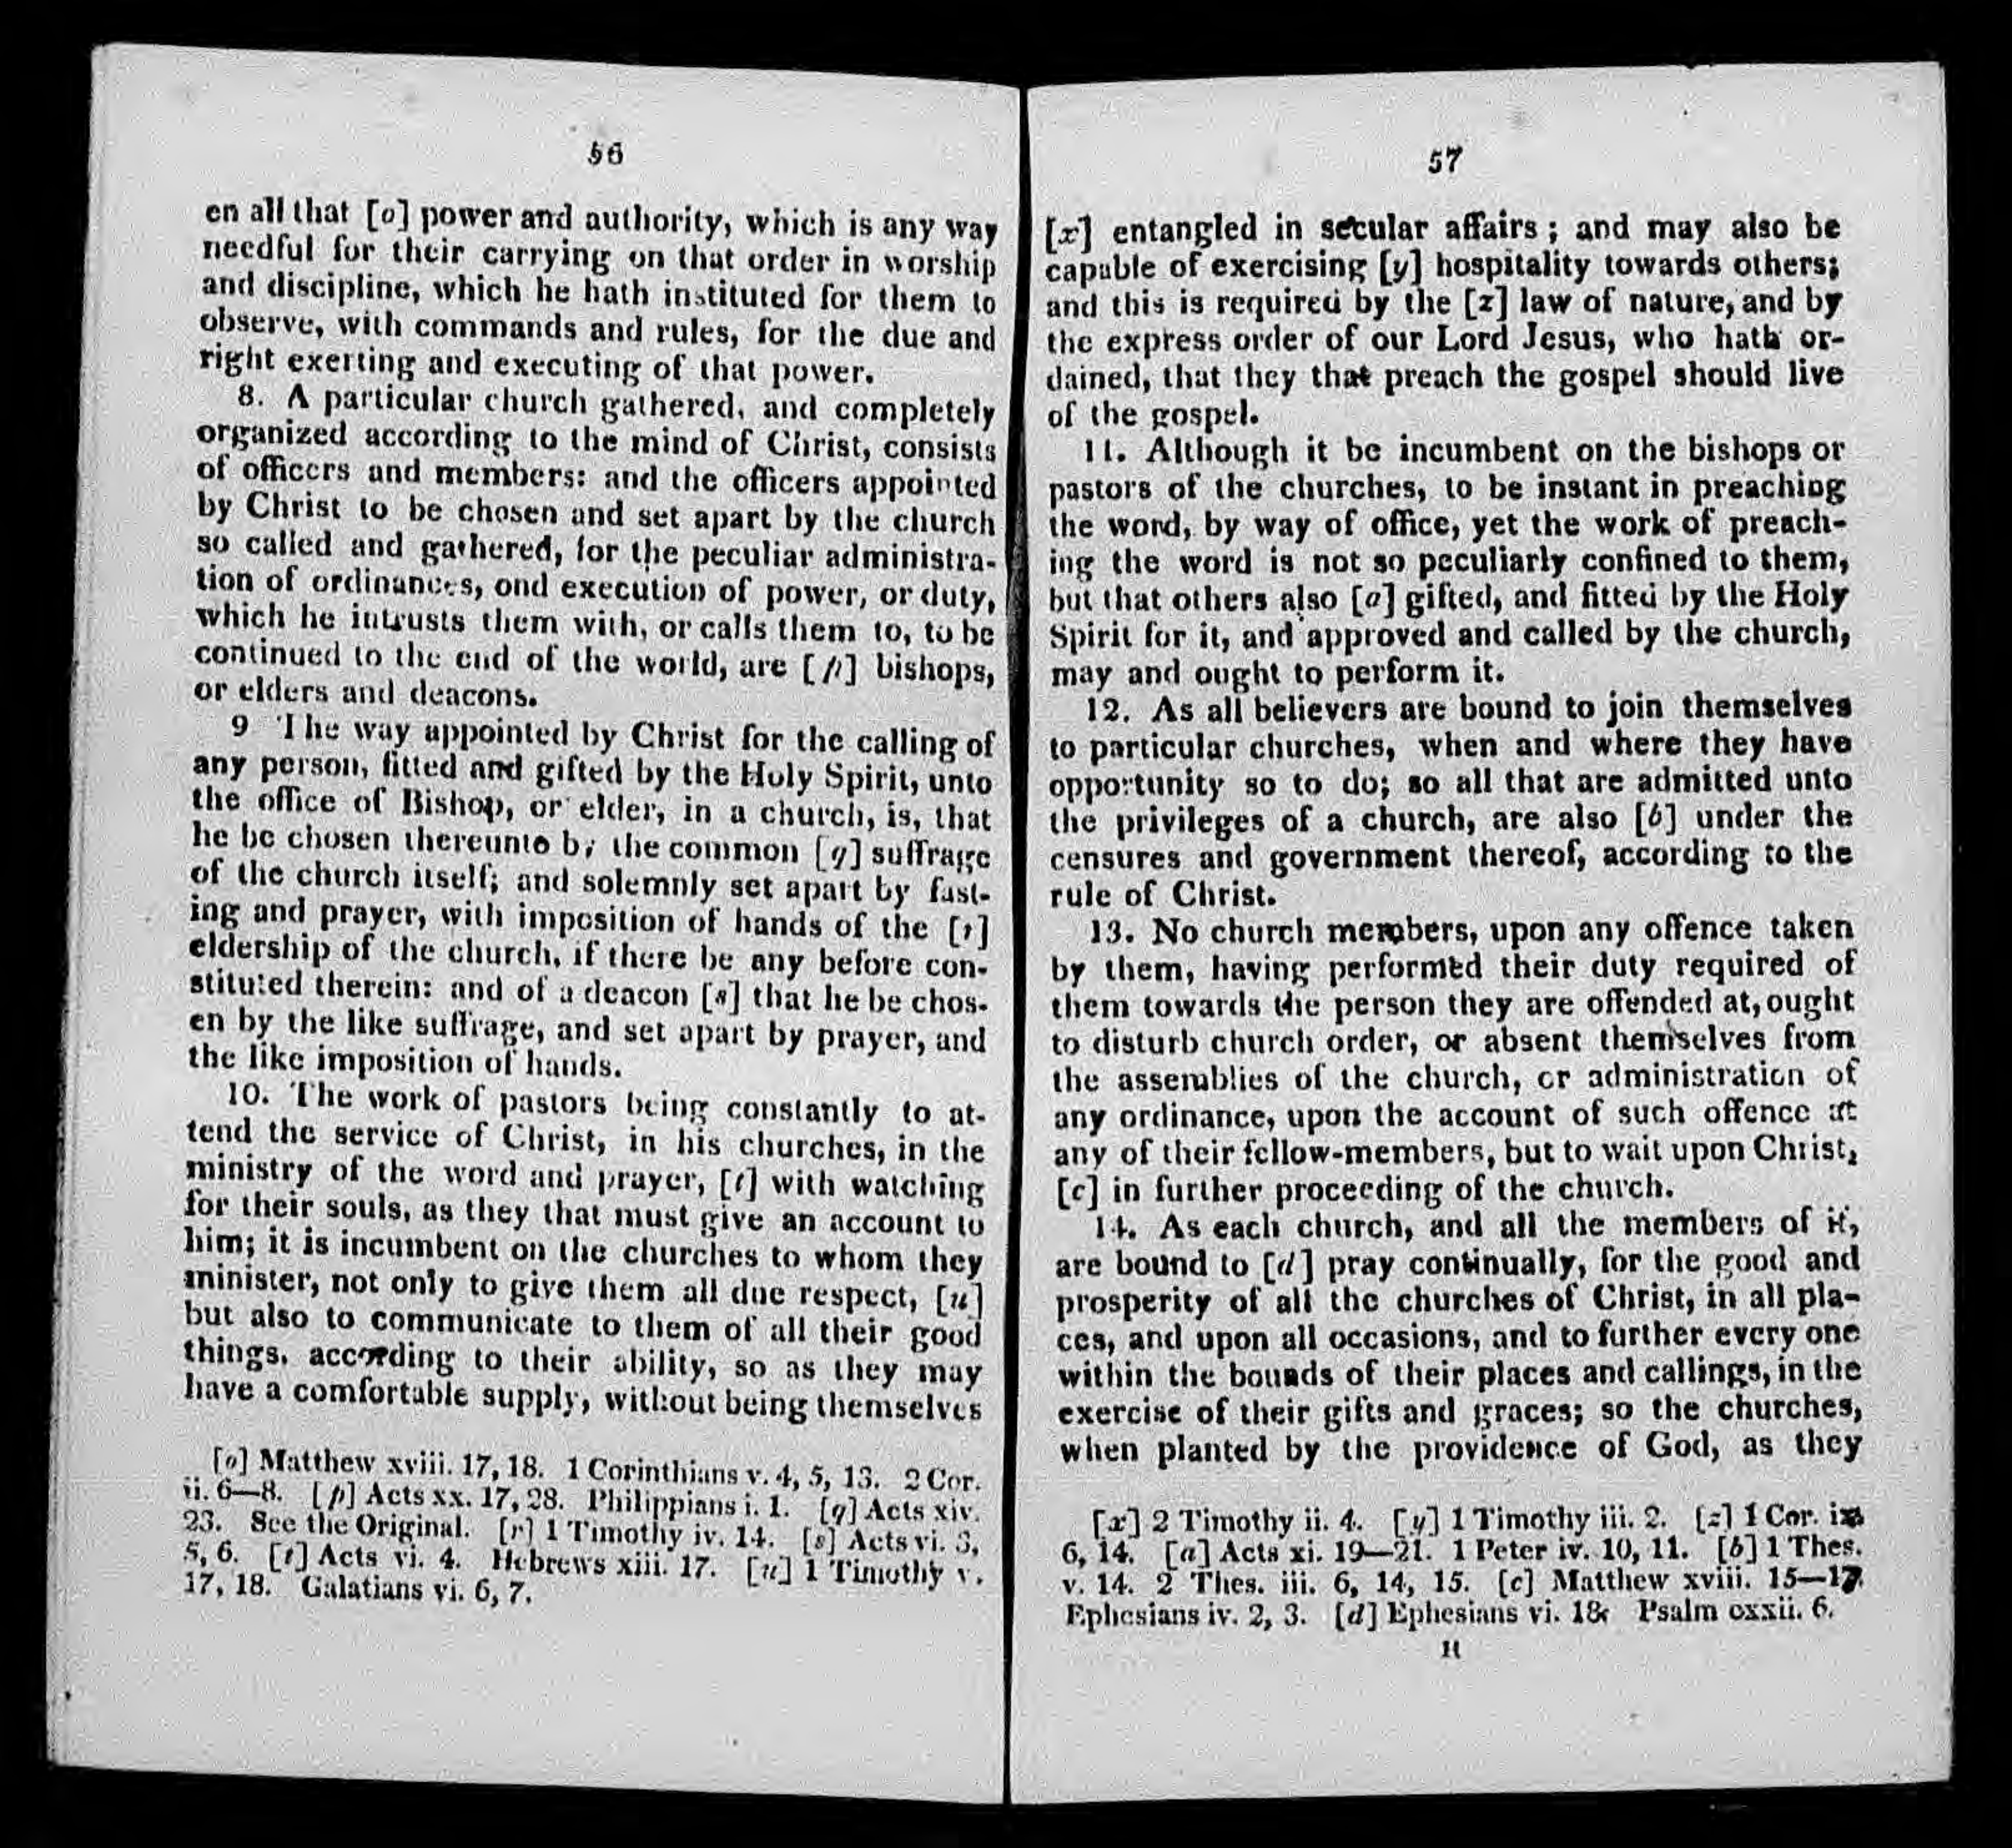56
in all that [o] power and authority, which is any way
needful for their carrying on that order in worship
and discipline, which he hath instituted for them to
observe, with commands and rules, for the due and
right exerting and executing of that power.
8. A particular church gathered, and completely
organized according to the mind of Christ, consists
of officers and members; and the officers appointed
by Christ to be chosen and set apart by the church
so called and gathered, for the peculiar administration
of ordinances, and execution of power, or duty,
which he intrusts them with, or calls them to, to be
continued to the end of the world, are [p] bishops,
or elders and deacons.
The way appointed by Christ for the calling of
any person, fitted and gifted by the Holy Spirit, unto
the office of Bishop, or elder, in a church is, that
he be chosen thereunto by the common [q] suffrage
of the church itself; and solemnly set apart by fast
ing and prayer, with imposition of hands of the
eldership of the church, if there be any before [r] constituted
therein; and of a deacon [s] that he be chose
en by the like suffrage, and set apart by prayer, and
the like imposition of hands.
10. The work of pastors being constantly to attend
the service of Christ, in his churches, in the
ministry of the word and prayer, [t] with watching
for their souls, as they that must give an account to
him; it is incumbent on the churches to whom they
minister, not only to give them all due respect, [u]
but also to communicate to them of all their good
things, according to their ability, so as they may
have a comfortable supply, without being themselves

[o] Matthew xviii. 17, 18. 1 Corinthians v. 4, 5, 13 2 Cor.ii. 6-8. Acts xx. 17, 28. Philippians i. 1. [q] Acts xiv.
23. See the Original [r] 1 Timothy iv. 14. [s] Acts vi. 3, 5,6
[t] Acts vi. 4. Hebrews xill 17. [u] 1 Timothy
17, 18. Galatians vi. 6, 7,

57
[x] entangled in secular affairs; and may also be
capable of exercising [y] hospitality towards others;
and this is required by the [z] law of nature, and by
the express order of our Lord Jesus, who hath or
dained that they that preach the gospel should live
of the gospel.
11. Although it be incumbent on the bishops or
pastors of the churches, to be instant in preaching
the word, by way of office, yet the work of preaching
the word is not so peculiarly confined to them,
but that others also[ a] gifted, and fitted by the Holy
Spirit for it, and approved and called by the church,
may and ought to perform it.
12. As all believers are bound to join themselves
to particular churches, when and where they have
opportunity so to do; so all that are admitted unto
the privileges of a church, are also [b] under the
censures and government thereof, according to the
rule of Christ.
13. No church members, upon any offence taken
by them, having performed their duty required of
them towards the person they are offended at, ought
to disturb church order, or absent themselves from
the assemblies of the church, or administration of
any ordinance, upon the account of such offence at
any of their fellow-members, but to wait upon Christ, [c]
in further proceeding of the church.
14. As each church, and all the members of H.
are bound to [d] pray continually, for the good and
prosperity of all the churches of Christ, in all places, and upon all occasions, and to further every one
within the bounds of their places and callings, in the
exercise of their gifts and graces; so the churches,
when planted by the providence of God, as they

[x] 2 Timothy ii. 4. [y] 1 Timothy iii. 2. [=] Cor. ix. 6, 14.[a] Acts xi. 19 -- 21. 1 Peter iv. 10, 11. [b] Thes. v. 14. 2 Thes. iii. 6, 14, 15. [c] Matthew xxviii. 15 -- 17.
Ephesians iv. 2, 3. [d] Ephesians vi 18 Psalm cxxii. 6.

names: Timothy, Timothy, Peter, Timothy, Matthew, Matthew, Timothy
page: 40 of 98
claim: widow's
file: W. 8398, William Broadway, S.C.